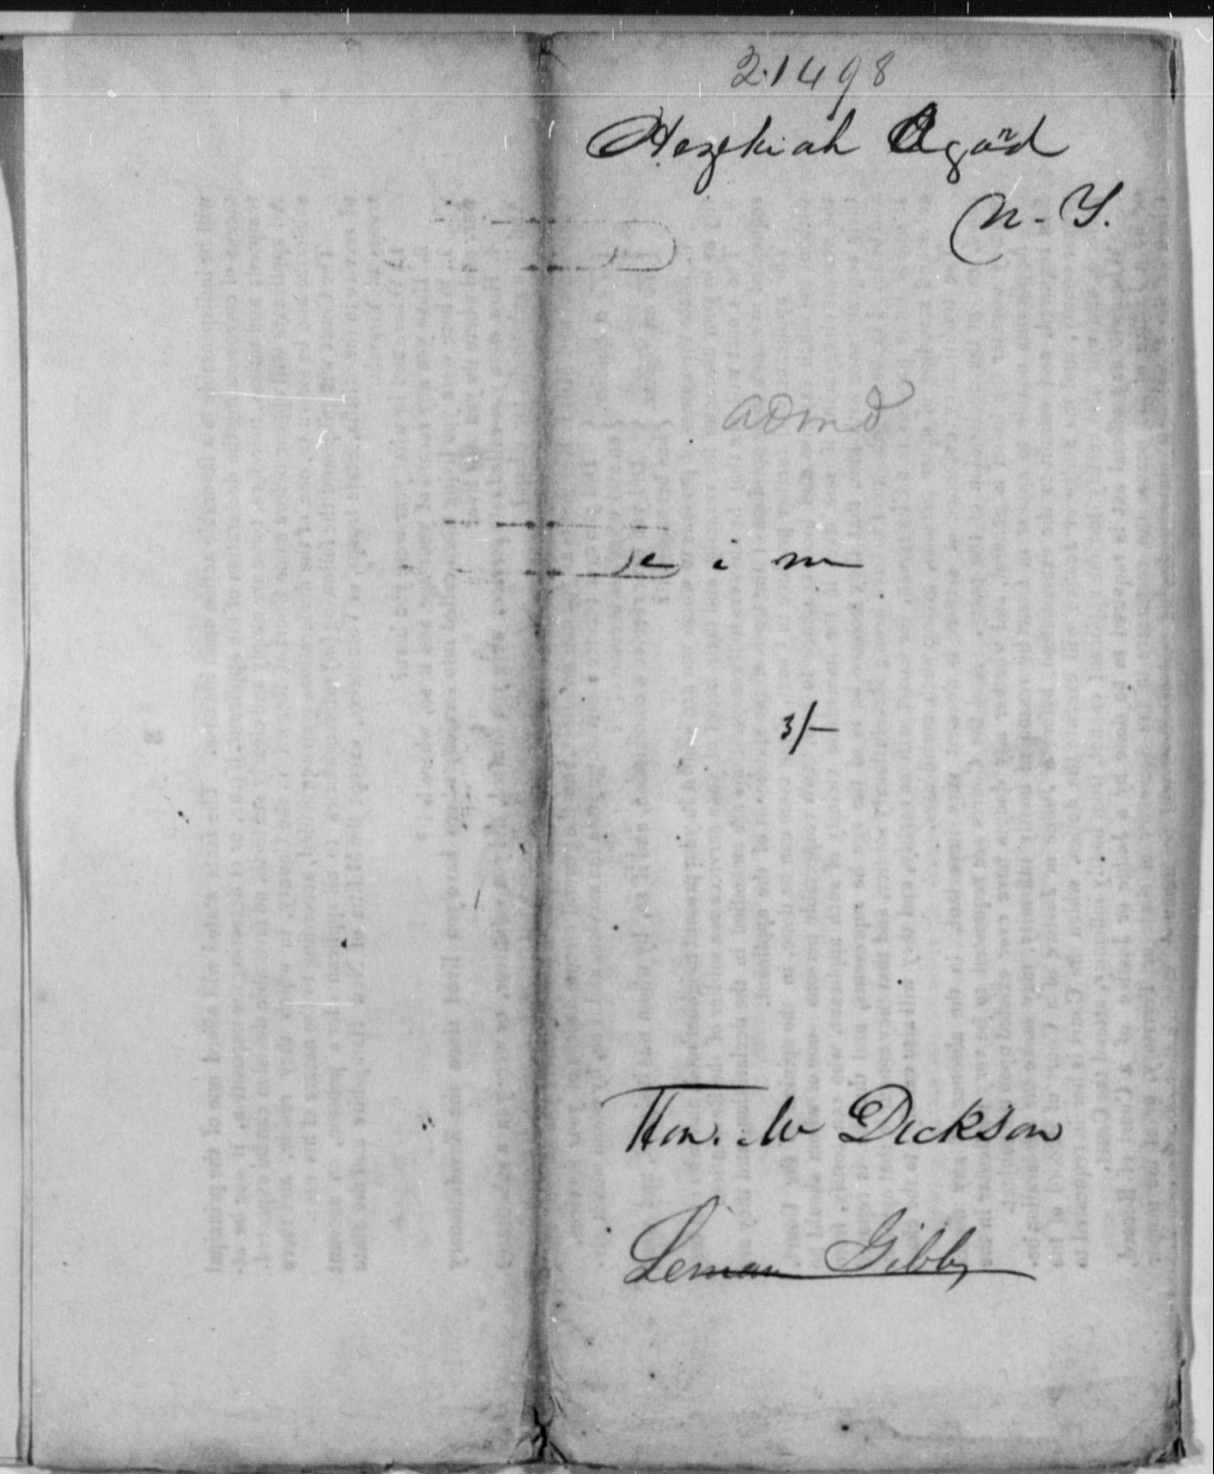21498
Hezekiah Agard
N. Y.
Admd
to
3/-
Hon. M Dickson
Leman Gibbs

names: Dickson, Hezekiah Agard, Leman Gibbs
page: 11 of 19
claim: survivor's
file: S. 23,092, Hezekiah Agard, Conn.